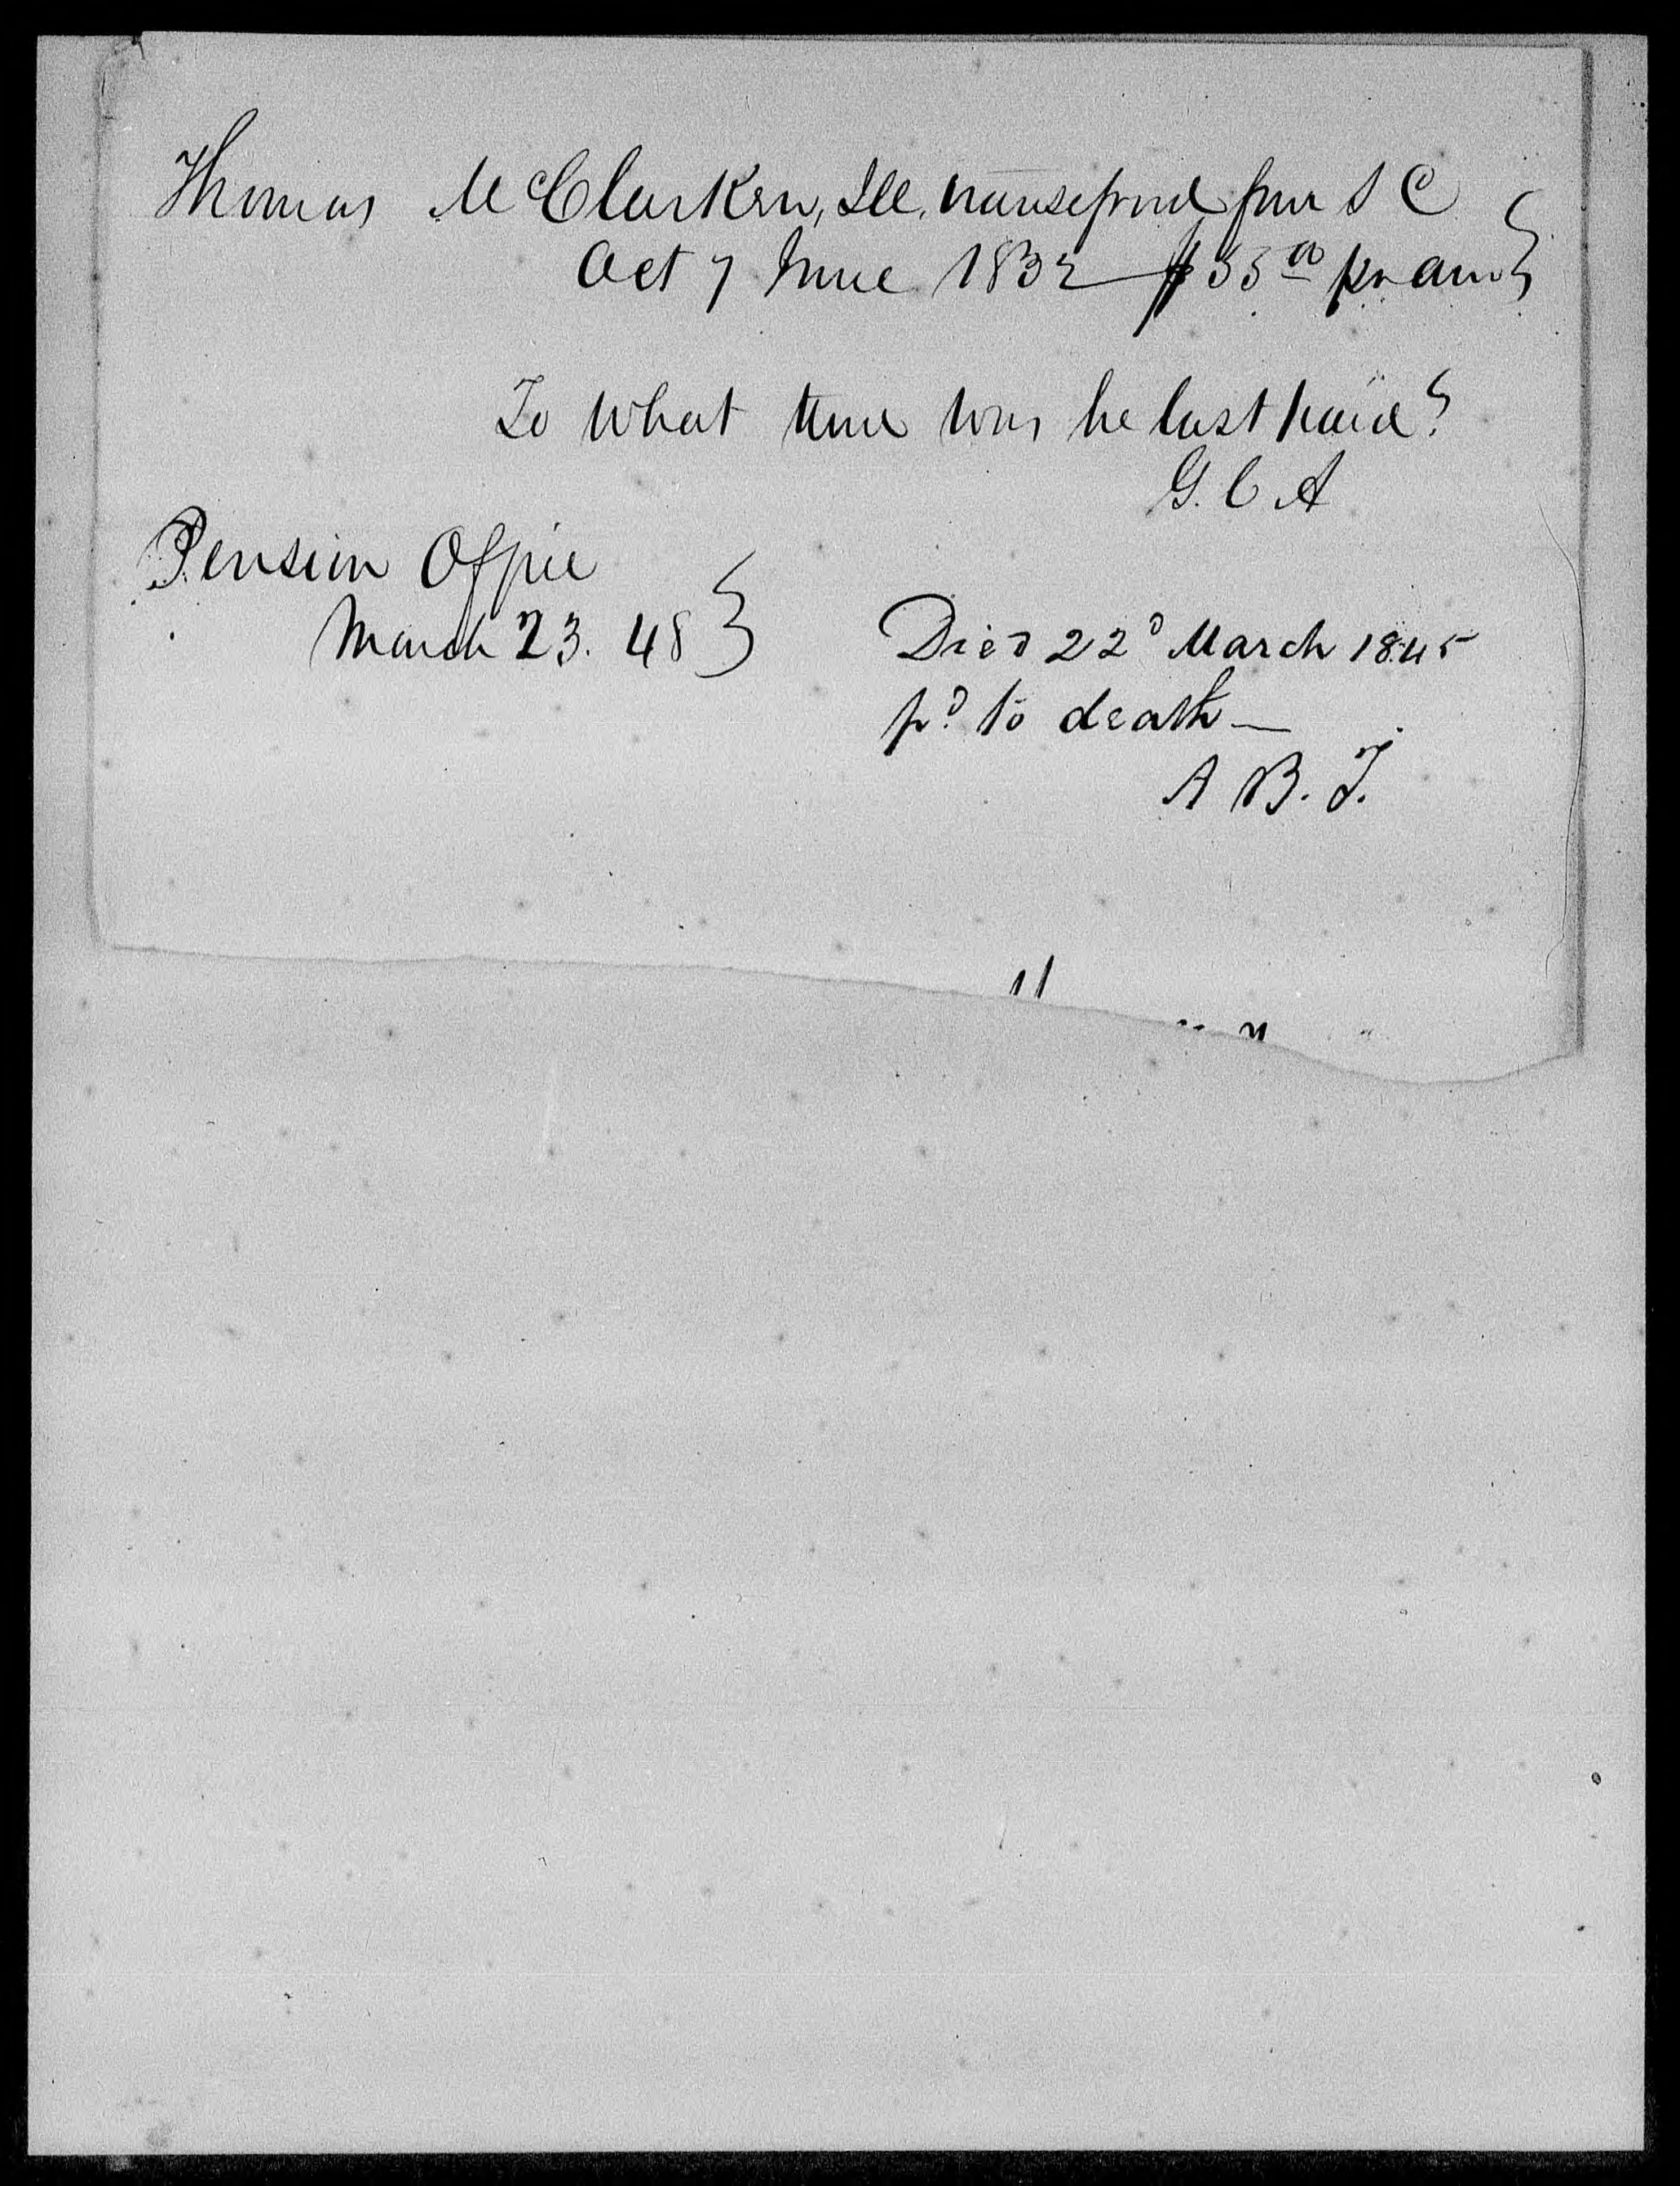Thomas McClurken, Ill, [unintelligible] SC 
 Act 7 June 1832 $33.10 [knaw unintelligible]}
 
To what time was he last paid? 
G.C.A

Pension Office} 
March 23. 48} Died 22d March 1845 
upto death-
A.B.T.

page: 29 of 93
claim: widow's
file: W. 21792, for Thomas Mc Clurken, South Carolina